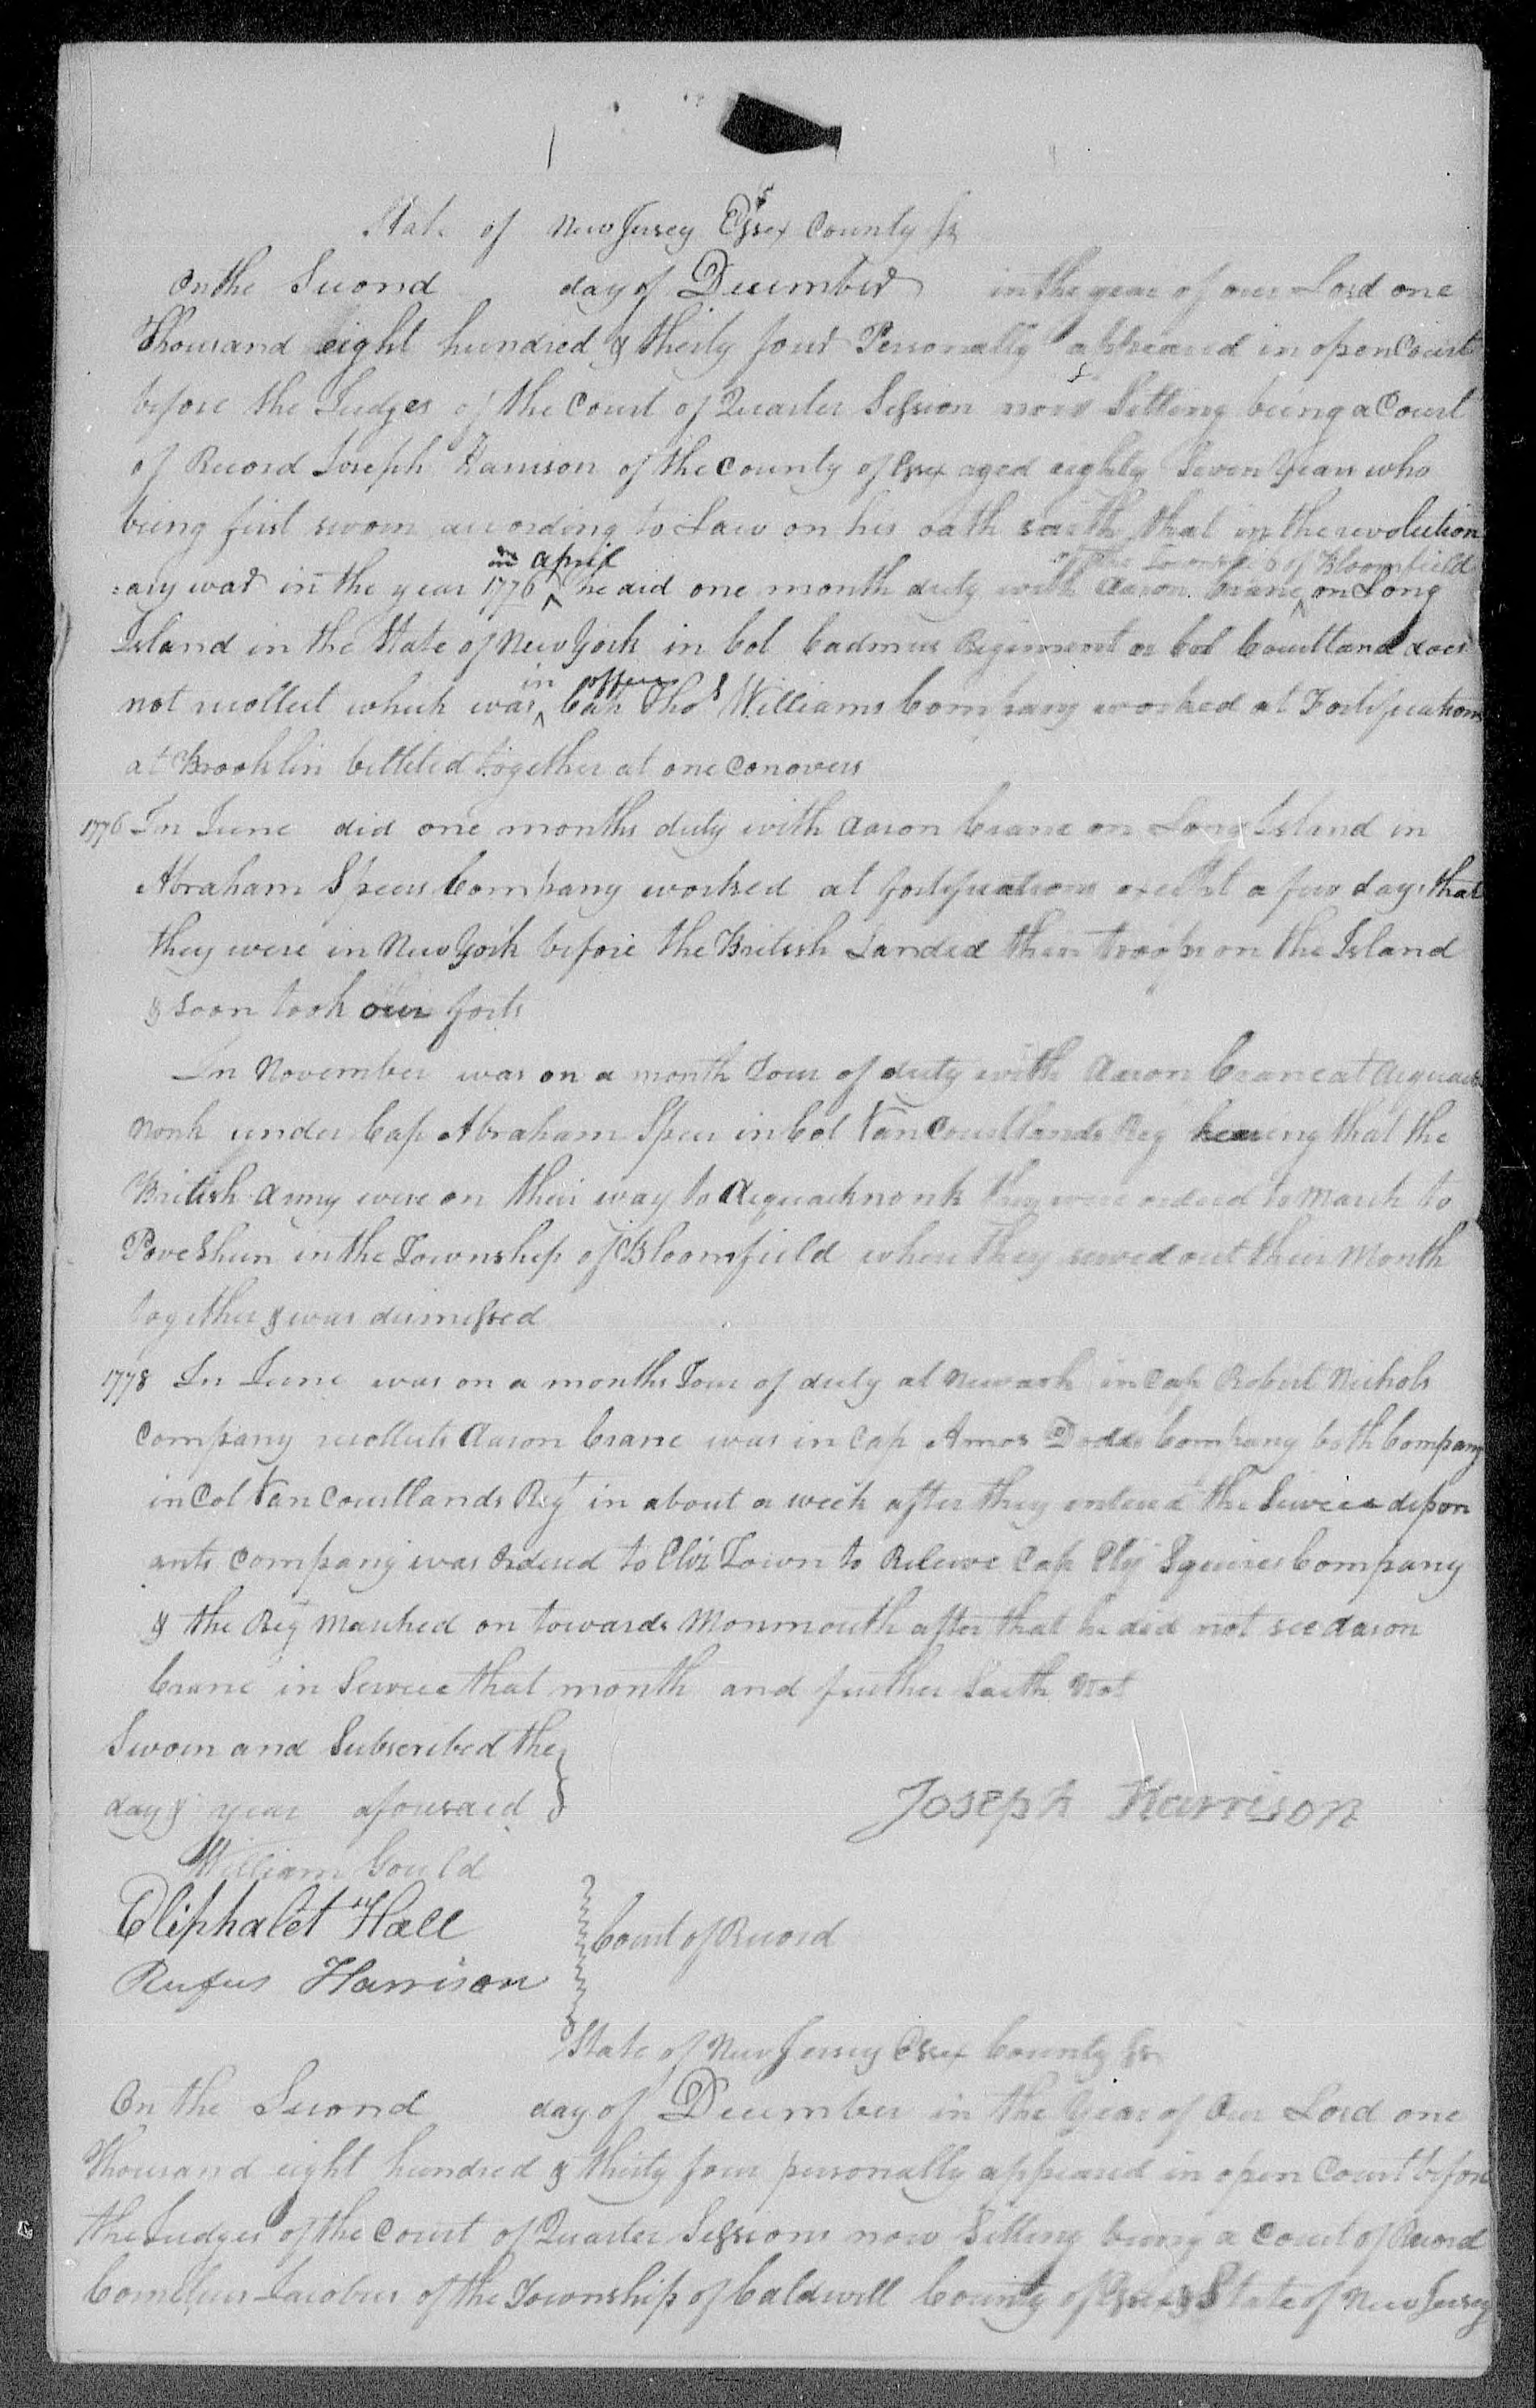State of New Jersey        Essex County   SS:

                          On the second day of Decmeber             in the year of our lord one

                           thousand eight hundred & thirty four   Personally appeared in Open Court

                           before the Judge ot the Court of Quarter Session now Sitting being a Court

                           of Record Joseph Harrison of the County Essex aged eighty seven years who

                           being first worn according to Law on his oath saith that in the revolution -

                           ary was in the year 1776 April he did one one duty with of the Township of Bloomfield Aaron Crane on Long

                           Island in the State of of New York in Col Cadmin Regiment or Col Courtland does

                           not recollect which was in offices Capt Thos Will Company workat Fortification

                           at Brooklin battled together at one conovers.


1776                 In June did one month duty with Aaron Crane on Long island in 

                           Abraham Speers Company wokred at fortification except a fourt day that 

                           they were in New York befre the British landed then troops on the Island

                           & soon took our forts.


                           In November was on a month Tour of Duty with Aaron Crane at Acquack -

                            nock  under Capt Abraham Spee in Col Van Courtland Reg having that the

                           British Army were on their way to Acquacknonk they were oreder to march to

                           Poveshun in the Township of Bloomfield where they served out their month

                            together I was dismissed.


1778                  In June was on a month Tour of Duty at Newark in Capt Robert Nichols

                           Company recollects Aaron Crane was in Cap Amos dood company both company

                            in Col Van Courland Regt in about a week after they entered the service depon -

                            ants company was ordered to Elis Town to Relieve Capt Ely Squire Company

                            & the Reg marched on towards Monmouth after that he did not see Aaron

                            Crane in Service that month and further saith not

                
                            Sworn and Subscribed the

                            day & year aforesid                                                                      Joseph Harrison

                             William Gould

                             Eliphalet Hall            Court of Record

                              Rufus Harrison


                                                               State of New Jersey  Essex County SS


On the Second                         day of December in the year of our Lord one

Thousand eight hundred & thirty four personally appeared in Open Court before

the Judges of theh Court of Quarter Session now Sitting being a Court or Record

Cornelius Jacobus of the Township of Caldwell Count of Essex & State of New Jersey.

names: Joseph Harrison, Cornelius Jacobus, Eliphalet Hall, Abraham Speer, Aaron Crane, Joseph Harrison, Aaron Crane, William Gould, Aaron Crane, Rufus Harrison, Courtland, Abraham Spear, Aaron Crane, Robert Nichols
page: 18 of 32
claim: rejected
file: R. 2441, Aaron Crane, New Jersey